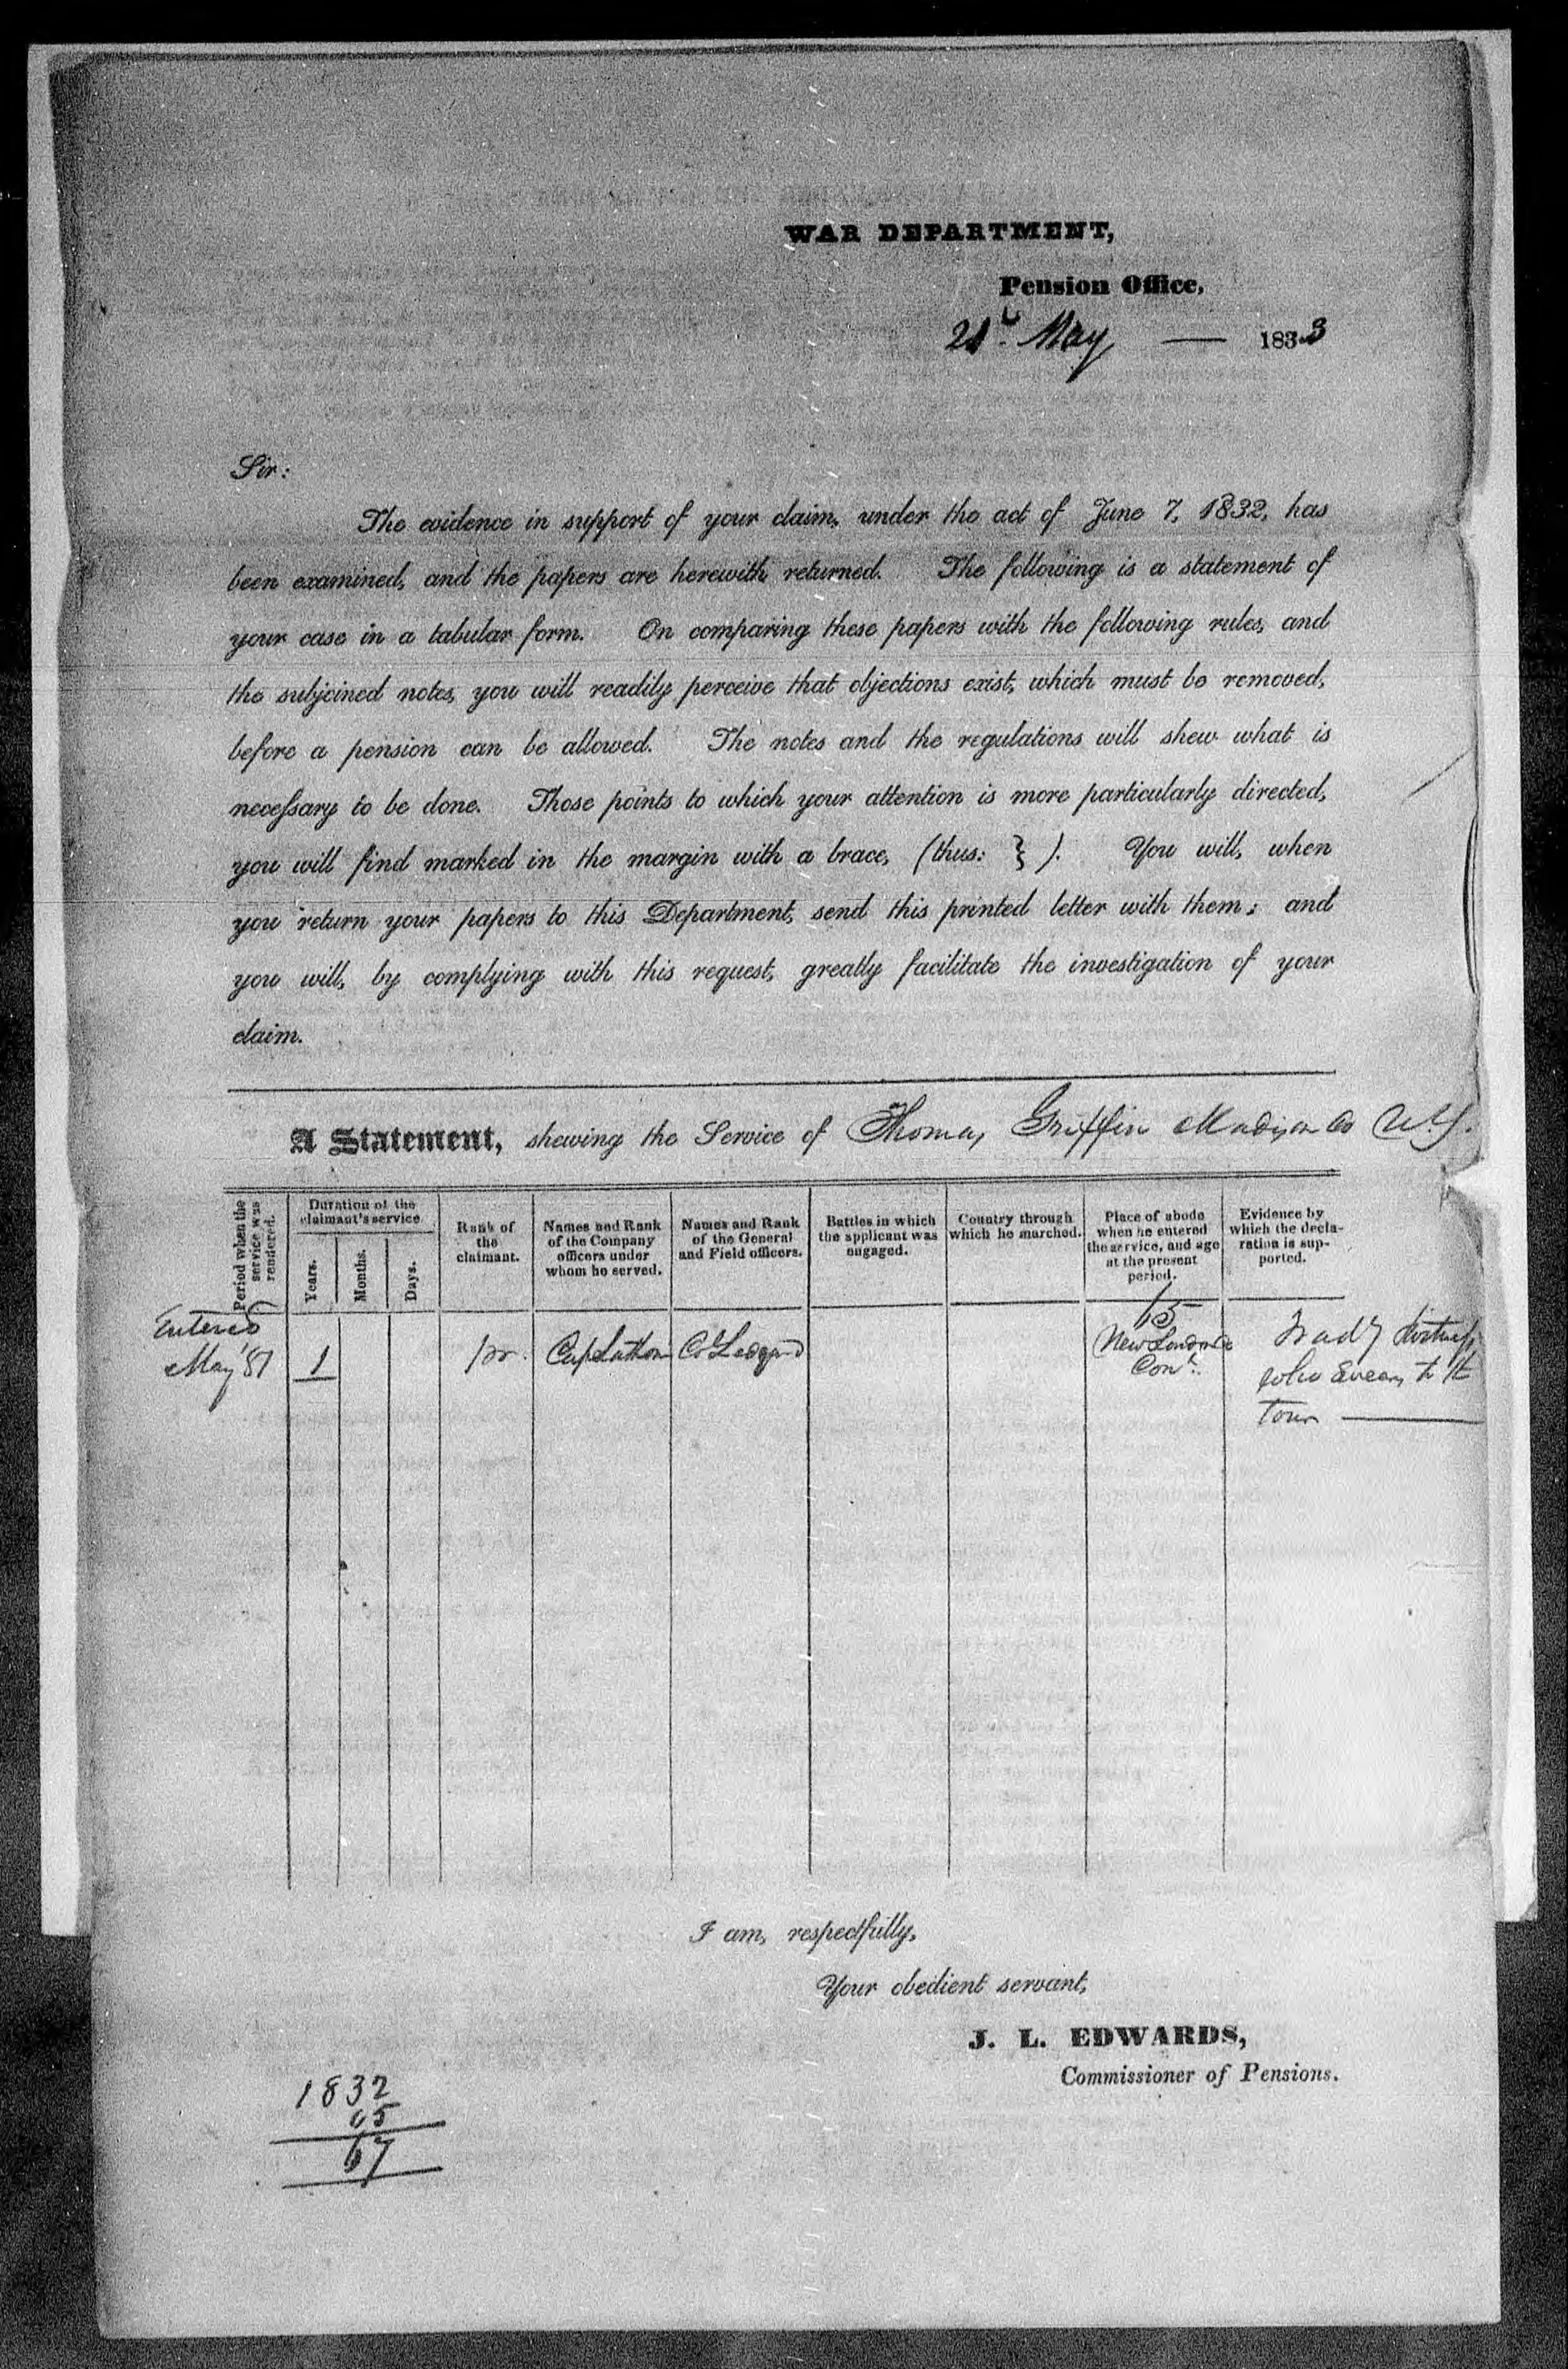WAR DEPARTMENT, 
Pension Office, 
21st May 1833 
Sir:
The evidence in support of your claim, under the act of June 7, 1832, has been examined, and the papers are herewith returned. The following is a statement of your case in a tabular form. On comparing these papers with the following rules, and the subjoined notes, you will readily perceive that objections exist, which must be removed, before a pension can be allowed. The notes and the regulations will shew what is necessary to be done. Those points to which your attention is more particularly directed, you will find marked in the margin with a brace, (thus: }). You will, when you return your papers to this Department, send this printed letter with them; and you will, by complying with this request, greatly facilitate the investigation of your claim. 
|
A Statement, shewing the service of Thomas Griffin Madison Co. N.Y.  |
Period when service was rendered. Entered May '87
Duration of the claimant's service.
Years. 1, Months. Days.
Rank of the claimant.pr.
Names and Rank of the Company officers under whom he served. Capt. Latham 
Names and Rank of the General and Field officers. Col. Ledyard
Battles in which the applicant was engaged. 
Country through which he marched.
Place of abode when he entered the service, and age at the present period. 65 New London Cont.
Evidence by which the declaration is supported. Had 7 witness who swear to the tour -
I am, respectfully,
Your obedient servant,
J.L. Edwards,
Commissioner of Pensions.

1832
65 _
67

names: Ledgard, Thomas Griffin, J L Edwards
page: 20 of 60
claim: widow's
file: W. 19,537, Thomas Griffin, Conn.